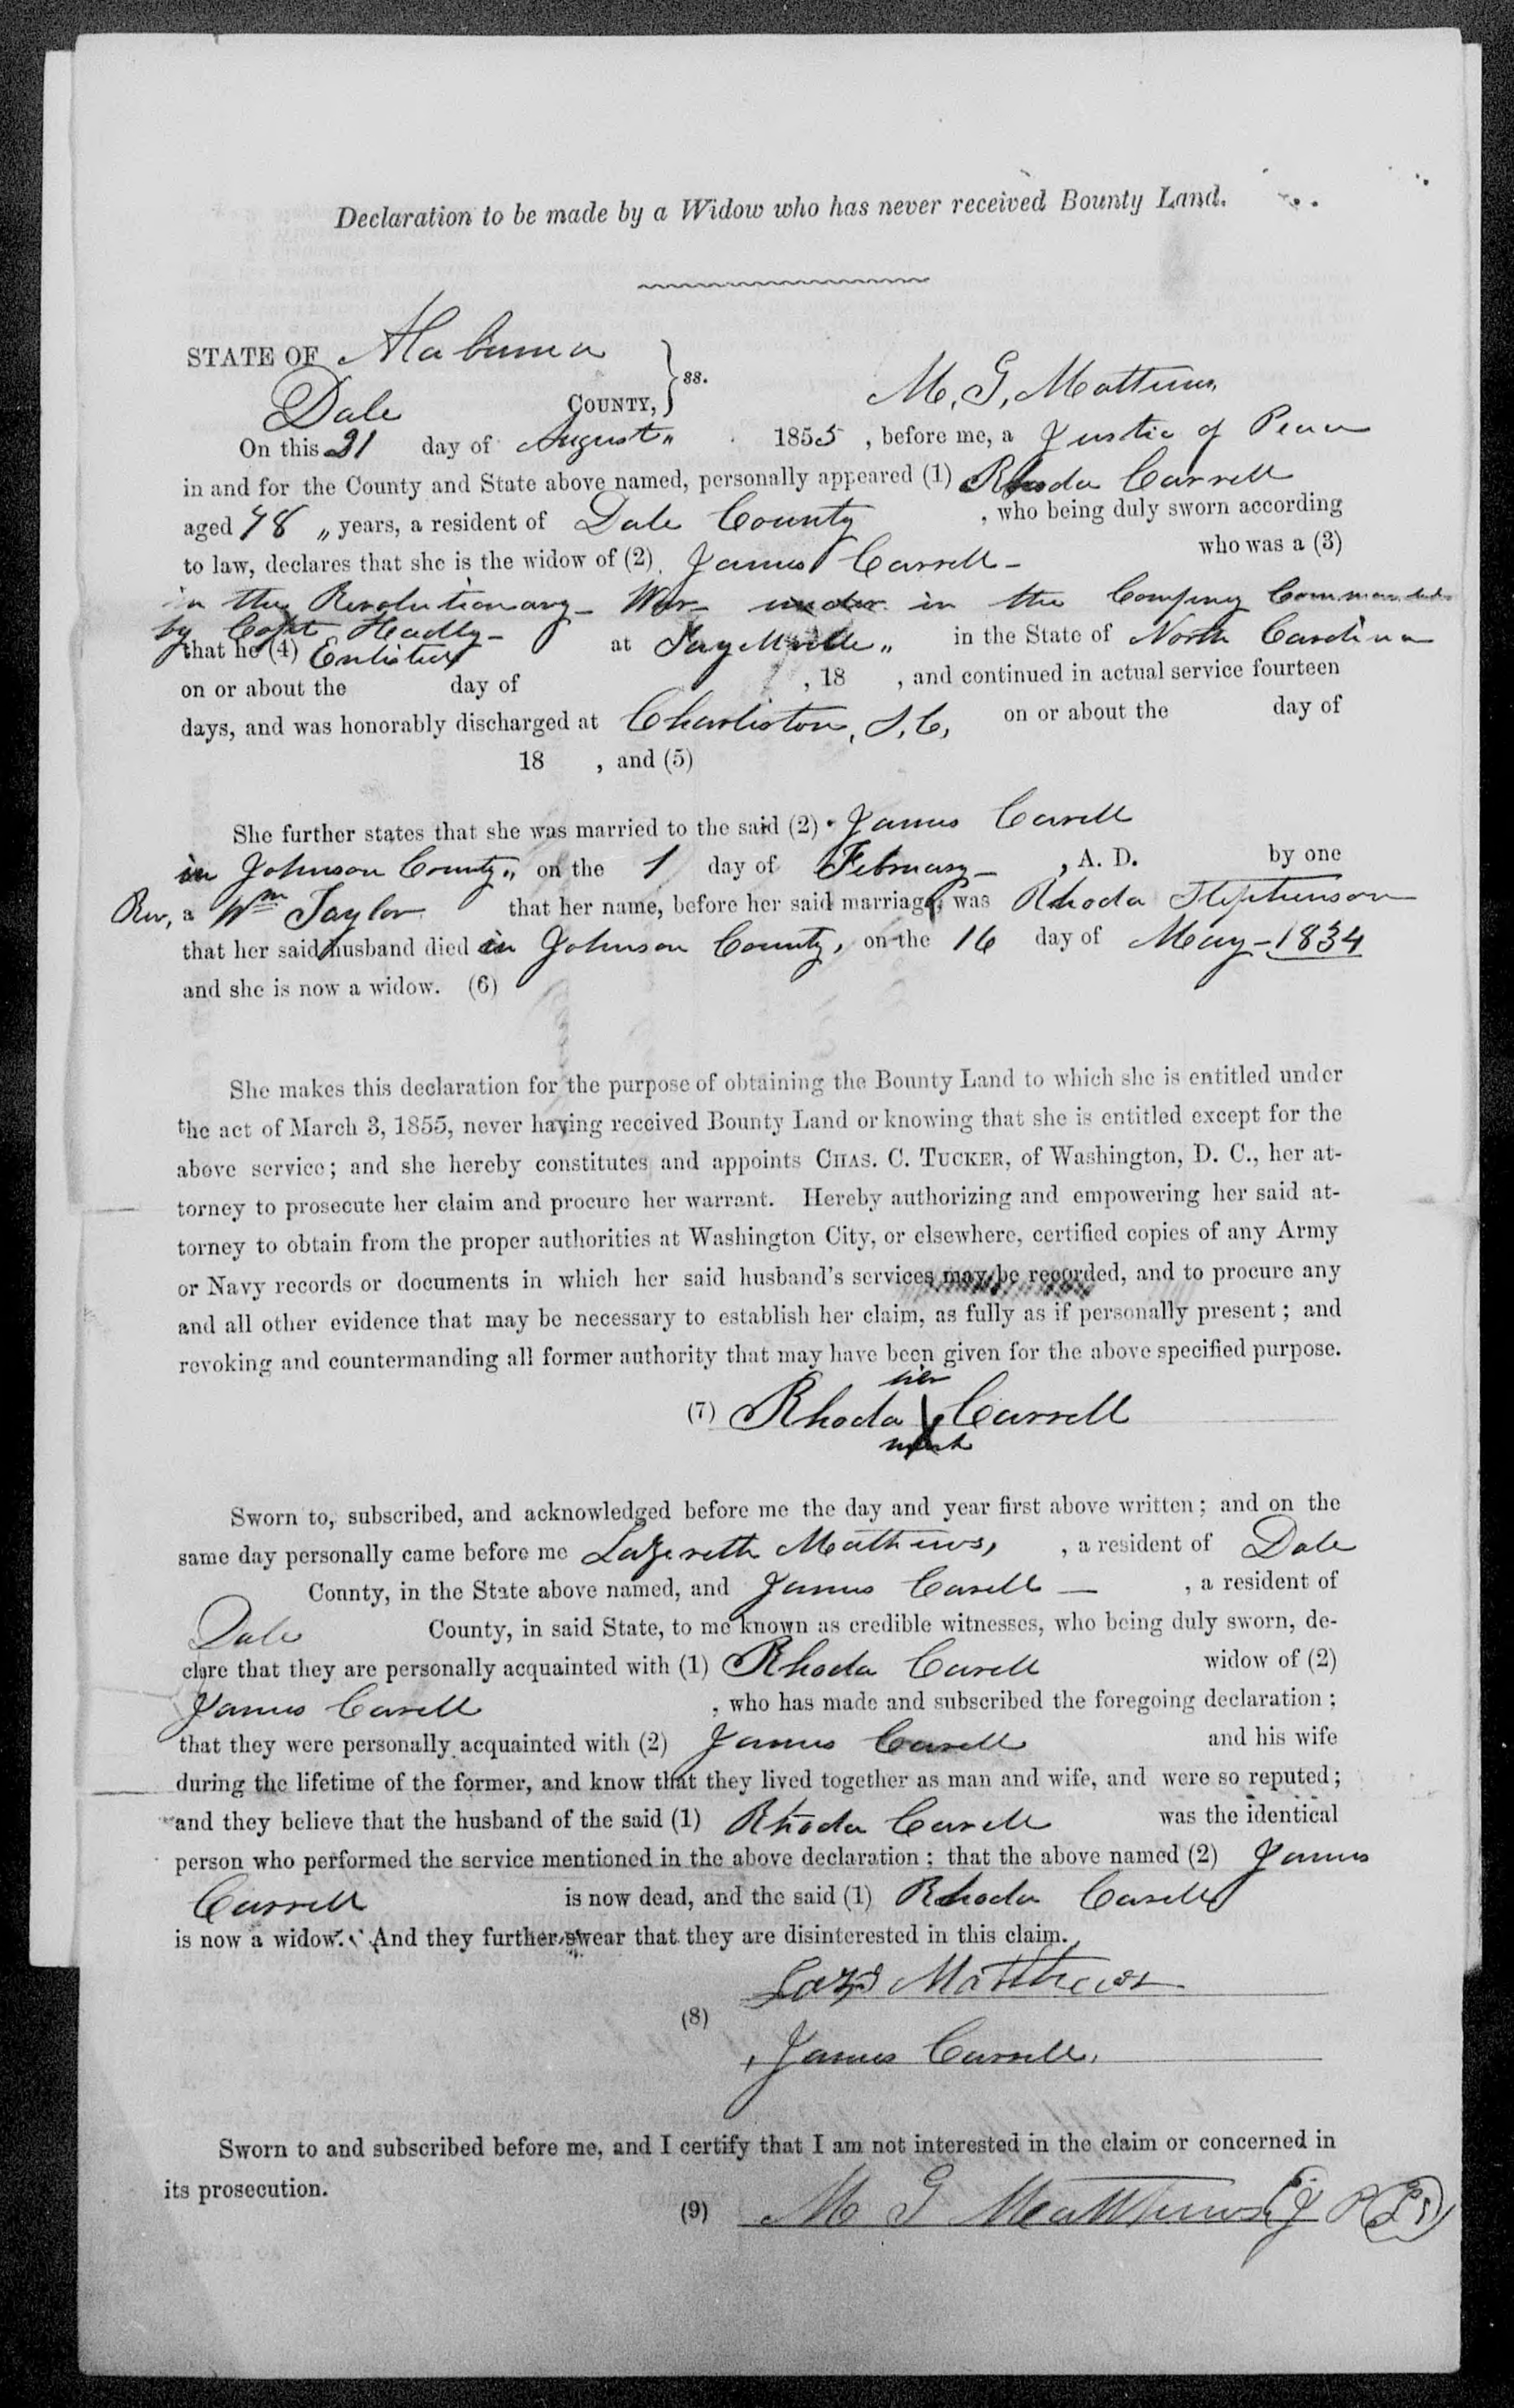Declaration to be made by a Widow who has never received Bounty Land.

State of Alabama
Dale County }  SS.

On this 21 day of August 1855, before me, M.G. Matthews a Justice of Peace ina nd for the county and State above named, personally appeared (1) Rhoda Carrell aged 78 years, a resident of Dale County, who being duly sworn according to law, declares that she is the widow of  (2) James Carrell- who was a (3) in the Revolutionary War [crossed out- under] in the Company commanded by Capt Headly that he (4) enlisted at Fayetteville, in the State of North Carolina on or about the ....day of ...., 18.., and continued in actual service fourteen days, and was honorable discharged at Charleston, S.C. on or about the ...day of .... 18.., and (5)

She further states that she was married to the said (2) James Carrell in Jonson County on the 1 day of February, A.D. by one Rev. Wm.Taylor that her name, before her said marriage was Rhoda Stephenson that her said husband died in Johnson County, on the 16 day of May 1834 and she is now a widow. (6)

She makes this declaration for the purpose of obtaining the Bounty Land to which she is entitled under the act of March 3, 1855, never having received Bounty Land or knowing that she is entitled except for the above service: and she hereby constitutes and appoints Chas. C. Tucker, of Washington, D.C., her attorney to prosecute her claim and procure her warrant. Hereby authorizing and empowering her said attorney to obtain from the proper authorities at Washington City, or elsewhere, certified copies of any Army or Navy records or documents in which her said husband's service maybe recorded, and to procure any and all other evidence that may be necessary to establish her claim, as fully as if personally present; and revoking and countermanding all former authority that may have been given for the above specified purpose.
(7) Rhoda Carrell (her mark)

Sworn to, subscribed, and acknowledged before me the day and year first above written; and on the same day personally came before me Lazereth Matthews, a resident of Dale County, in the State above named, and James Carrell, a resident of Dale County, in said State to me known as credible witnesses, who being duly sworn, declare that they are personally acquainted with (1) Rhoda Carrell widow of (2) James Carrell, who had made and subscribed the foregoing declaration; that that were personally acquainted with (2) James Carrell and his wife during the lifetime of the former, and know that they lived together as man and wife, and were so reputed; and they believe that the husband of the said (1) Rhoda Carrell was the identical person who performed the service mentioned in the above declaration; that the above named (2) James Carrell is now dead, and the said (1) Rhoda Carrell is now a widow. And they  further swear that they are disinterested in this claim. (8)  Laz. Matthews  James Carrell

Sworn to and subscribed before emergencies, and I certify that I am not interested in the claim or concerned in its prosecution. (9)  M G Matthews JP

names: Rhoda Carell, Lazereth Mathews, James Carrell, James Carell, Hadly, M G Mathews, M G Matthews, Lazs Matthews, James Carell, Rhoda Stephenson, James Carell, Rhoda Carrell, James Carell, James Carrell, Rhoda Carell, Chas C Tucker, Wm Taylor, Rhoda Carell, James Carrell, Rhoda Carrell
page: 15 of 86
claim: widow's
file: W. 6899, James Carrell, N.C.